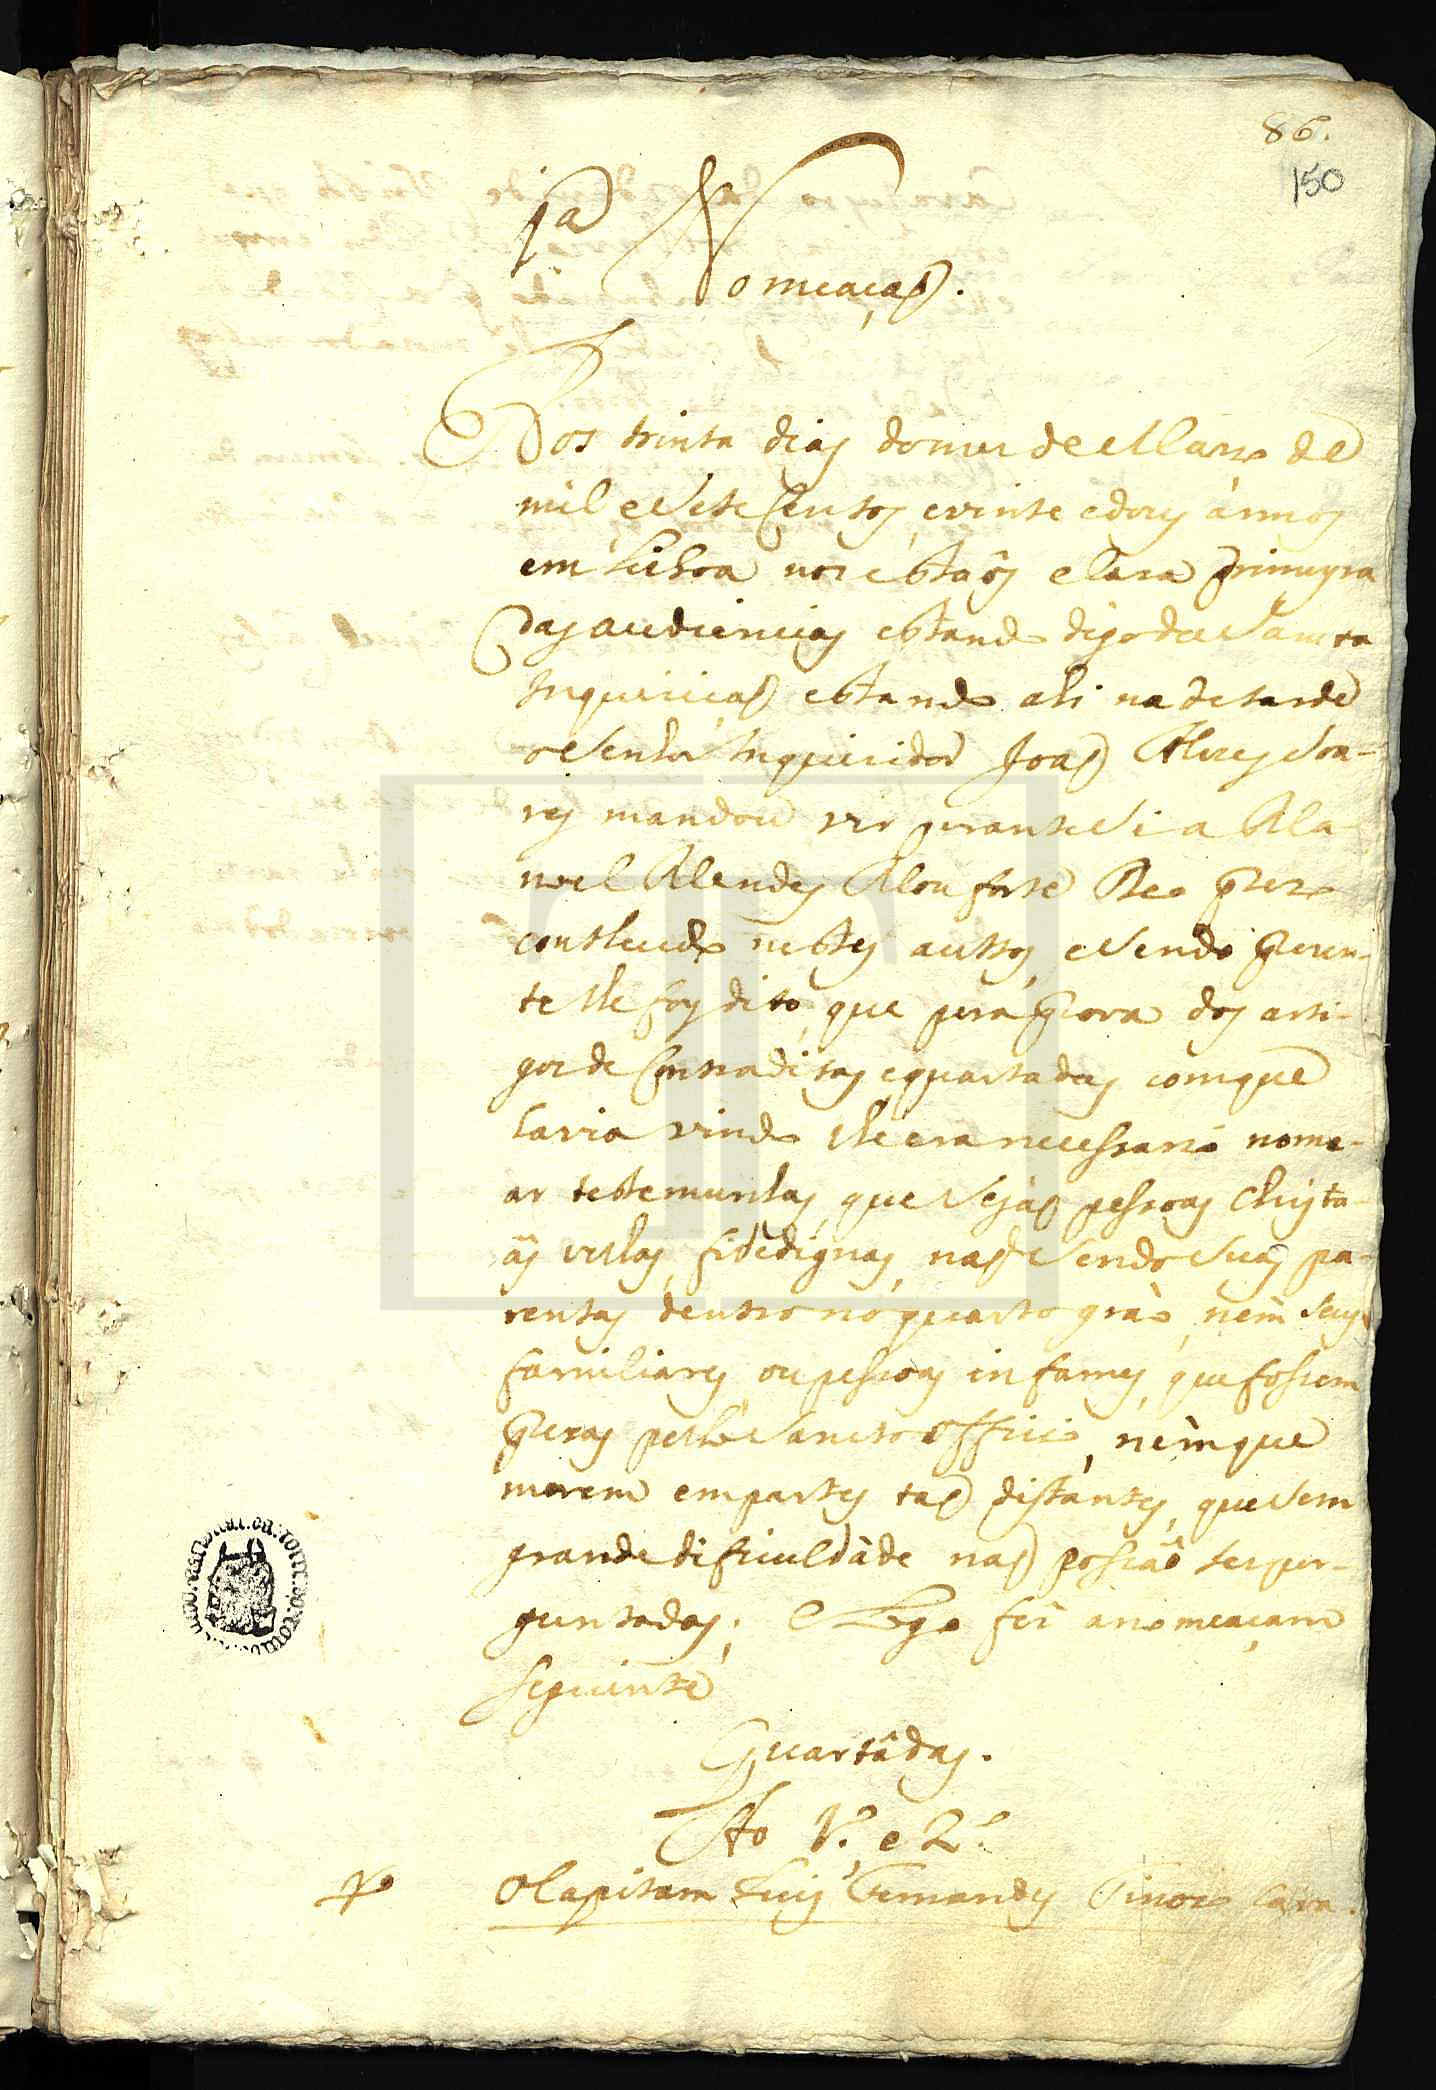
1.a
Nomeaçaõ
Aos trinta dias do mes de Março de
mil e SeteCentos, e vinte dous annos
em Lisboa nos estaōs e Caza primeyra
das audiencias estando digo da Sancta
Inquiziçaõ estando ali na de tarde
o Senhor Inquizidor Joaõ Alvres Soa
res mandou vir perante Si a Ma
noel Mendes Monforte Reo prezo
contheudo nestes auttos, e Sendo prezen
te lhe foy dito que pera prova dos arti
gos de Contraditas e quartadas com que
havia vindo lhe era necessario nome
ar testemunhas, que sejaõ pessoas christa
ās velhas, fidedignas, naõ Sendo Suas pa
rentas dentro no quarto grāo, nem seus
familiares, ou pessoas infames, que fossem
prezas pello Sancto officio, nem que
morem em partes taõ distantes, que sem
grande dificuldáde naõ possaõ ter per
guntadas; e Logo foi a nomeaçam
Seguinte
Quartâdas.
Ao 1.o, e 2.o
O Capitam Luis Fernandes Tinozo cara
